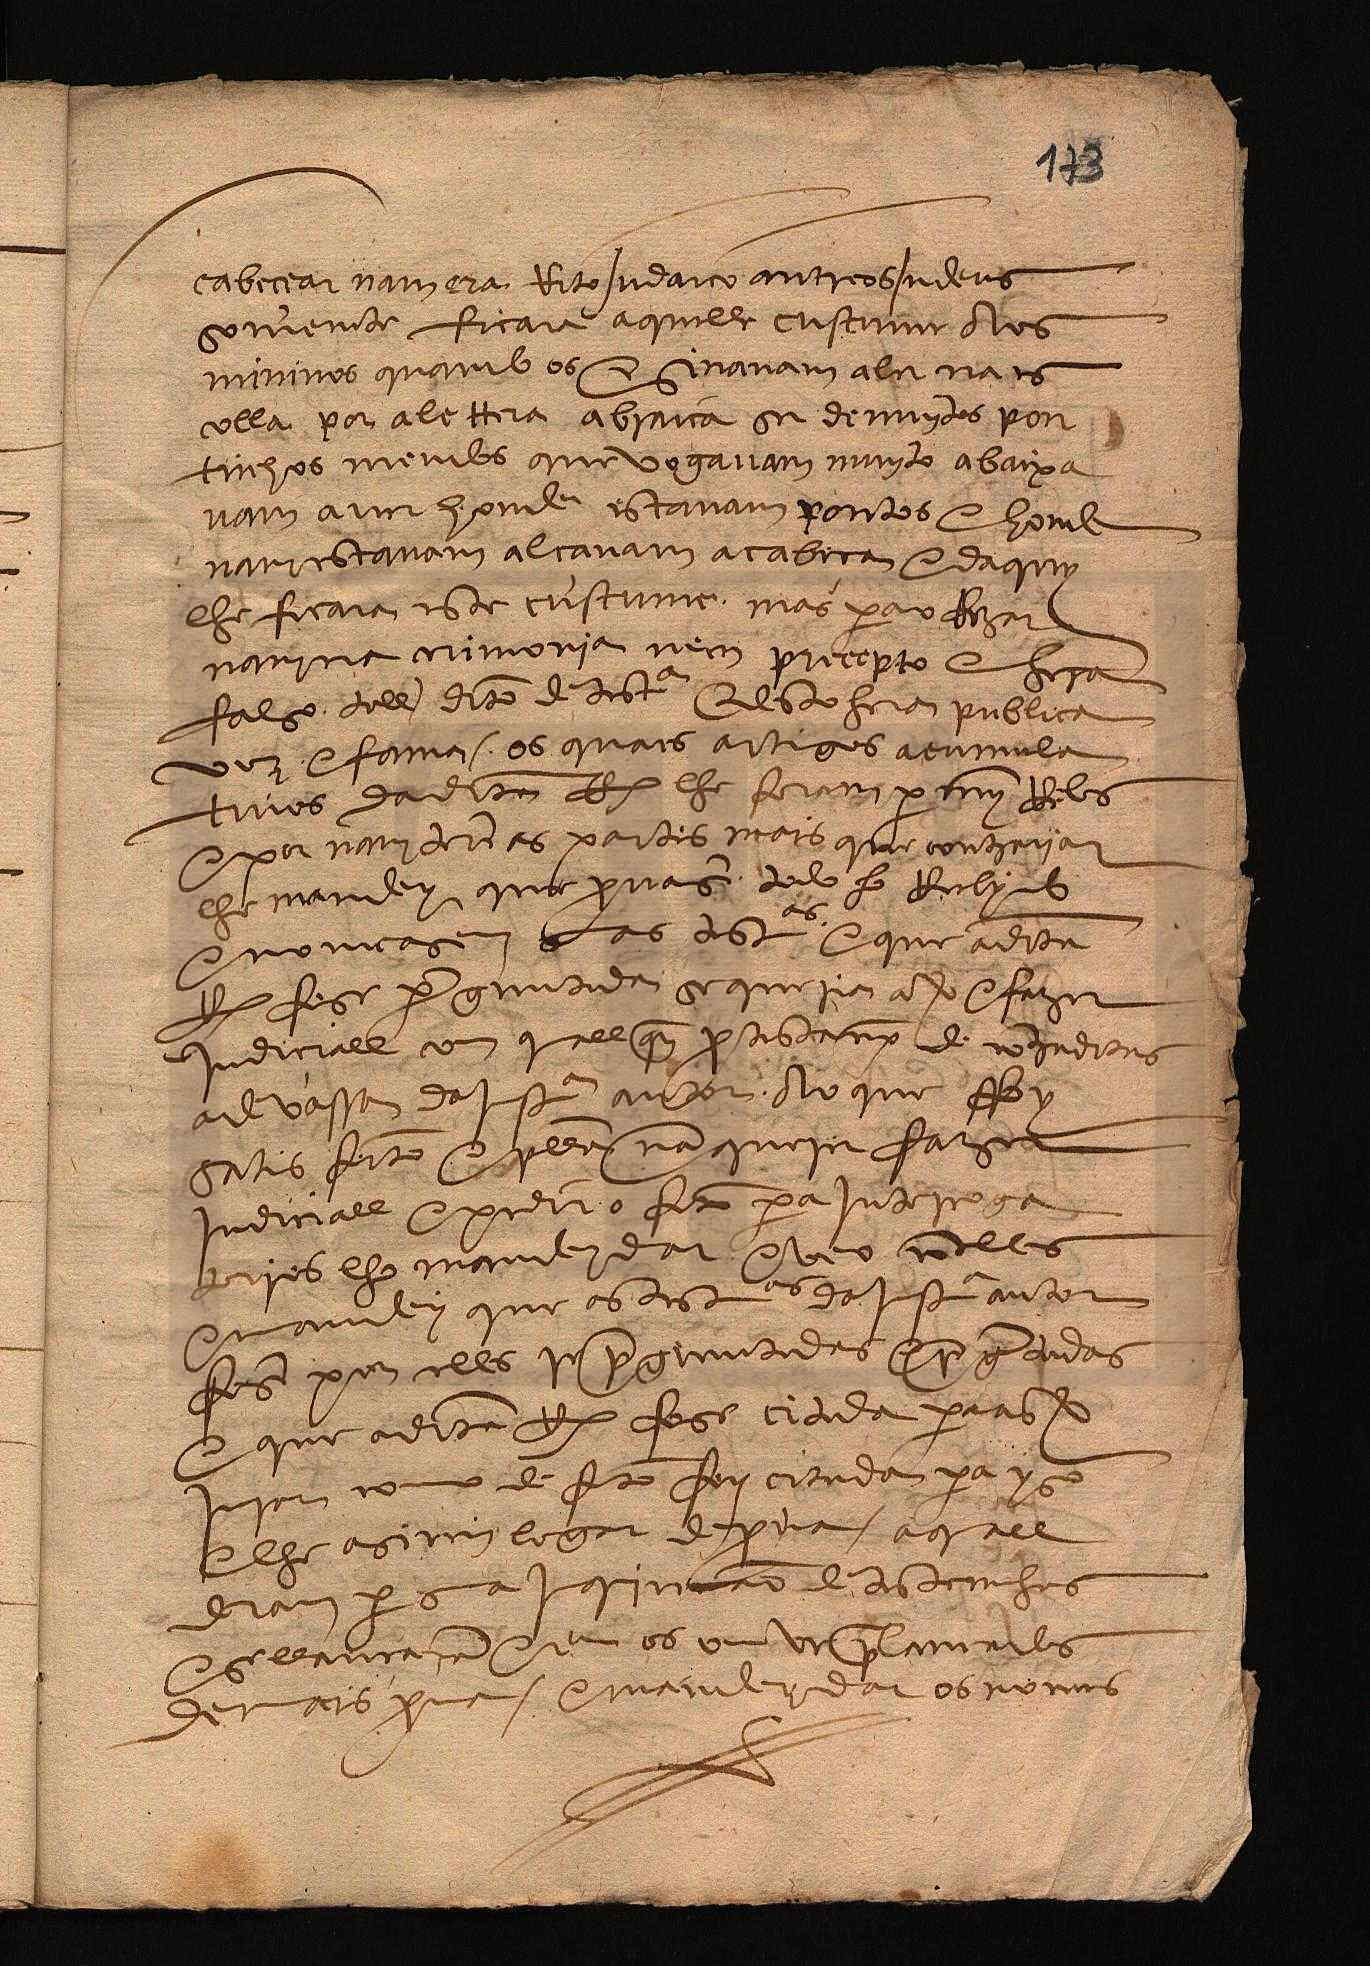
cabecear nam era Rito Judaico antre os Judeus
somemte ficara aquelle custume Aos
mininos quamdo os ēsinauam a ler na es
colla por a lettera abraica ser de mujtos pon
tinhos meudos que vogauam muyto abaixa
uam a uer honde estauam pontos e honde
nam estauam alçauam a cabeça e daquy
lhe ficara este custume. mas ꝑa o Rezar
nam era cerimonja nem precepto e hera
falso tall dito de testa E desto hera publica
voz e fama /. os quaes artigos acumula
tiuos da dita Rꝭ lhe foram ꝑ mȳ Rdos
e por nam terē as partes mais que contrarjar
lhe mandey que ꝓuasē todo ho Recebydo
e nomeasem suas testas e que a dita
Rꝭ fose ꝑ̄guntada se queria aꝟ e fazer
Judiciall com quallq̄r ꝓtestação de cōtraditas
a devassa da Justa autor. Ao que ffoy
satisfeito e p̄lla nā querer fazer
Judiciall e pedir o fct̄o ꝑa Jnterroga
torjos lho mandey dar e veo c̄o elles
e mandey que as testas da Justa autor
fosē por elles rep̄gumtadas e p̄gūtadas
e que a dita Rꝭ fose citada pa as ꝟ
Jurar como de fctō foy citada ꝑa yso
e lhe asiney logar de ꝓua / a quall
deram ꝑ sua Jnqujrição de testemunhas
e se llançarā e eu os ouve p̄ lançados
de mais ꝓua /. e mandey dar os nomes
